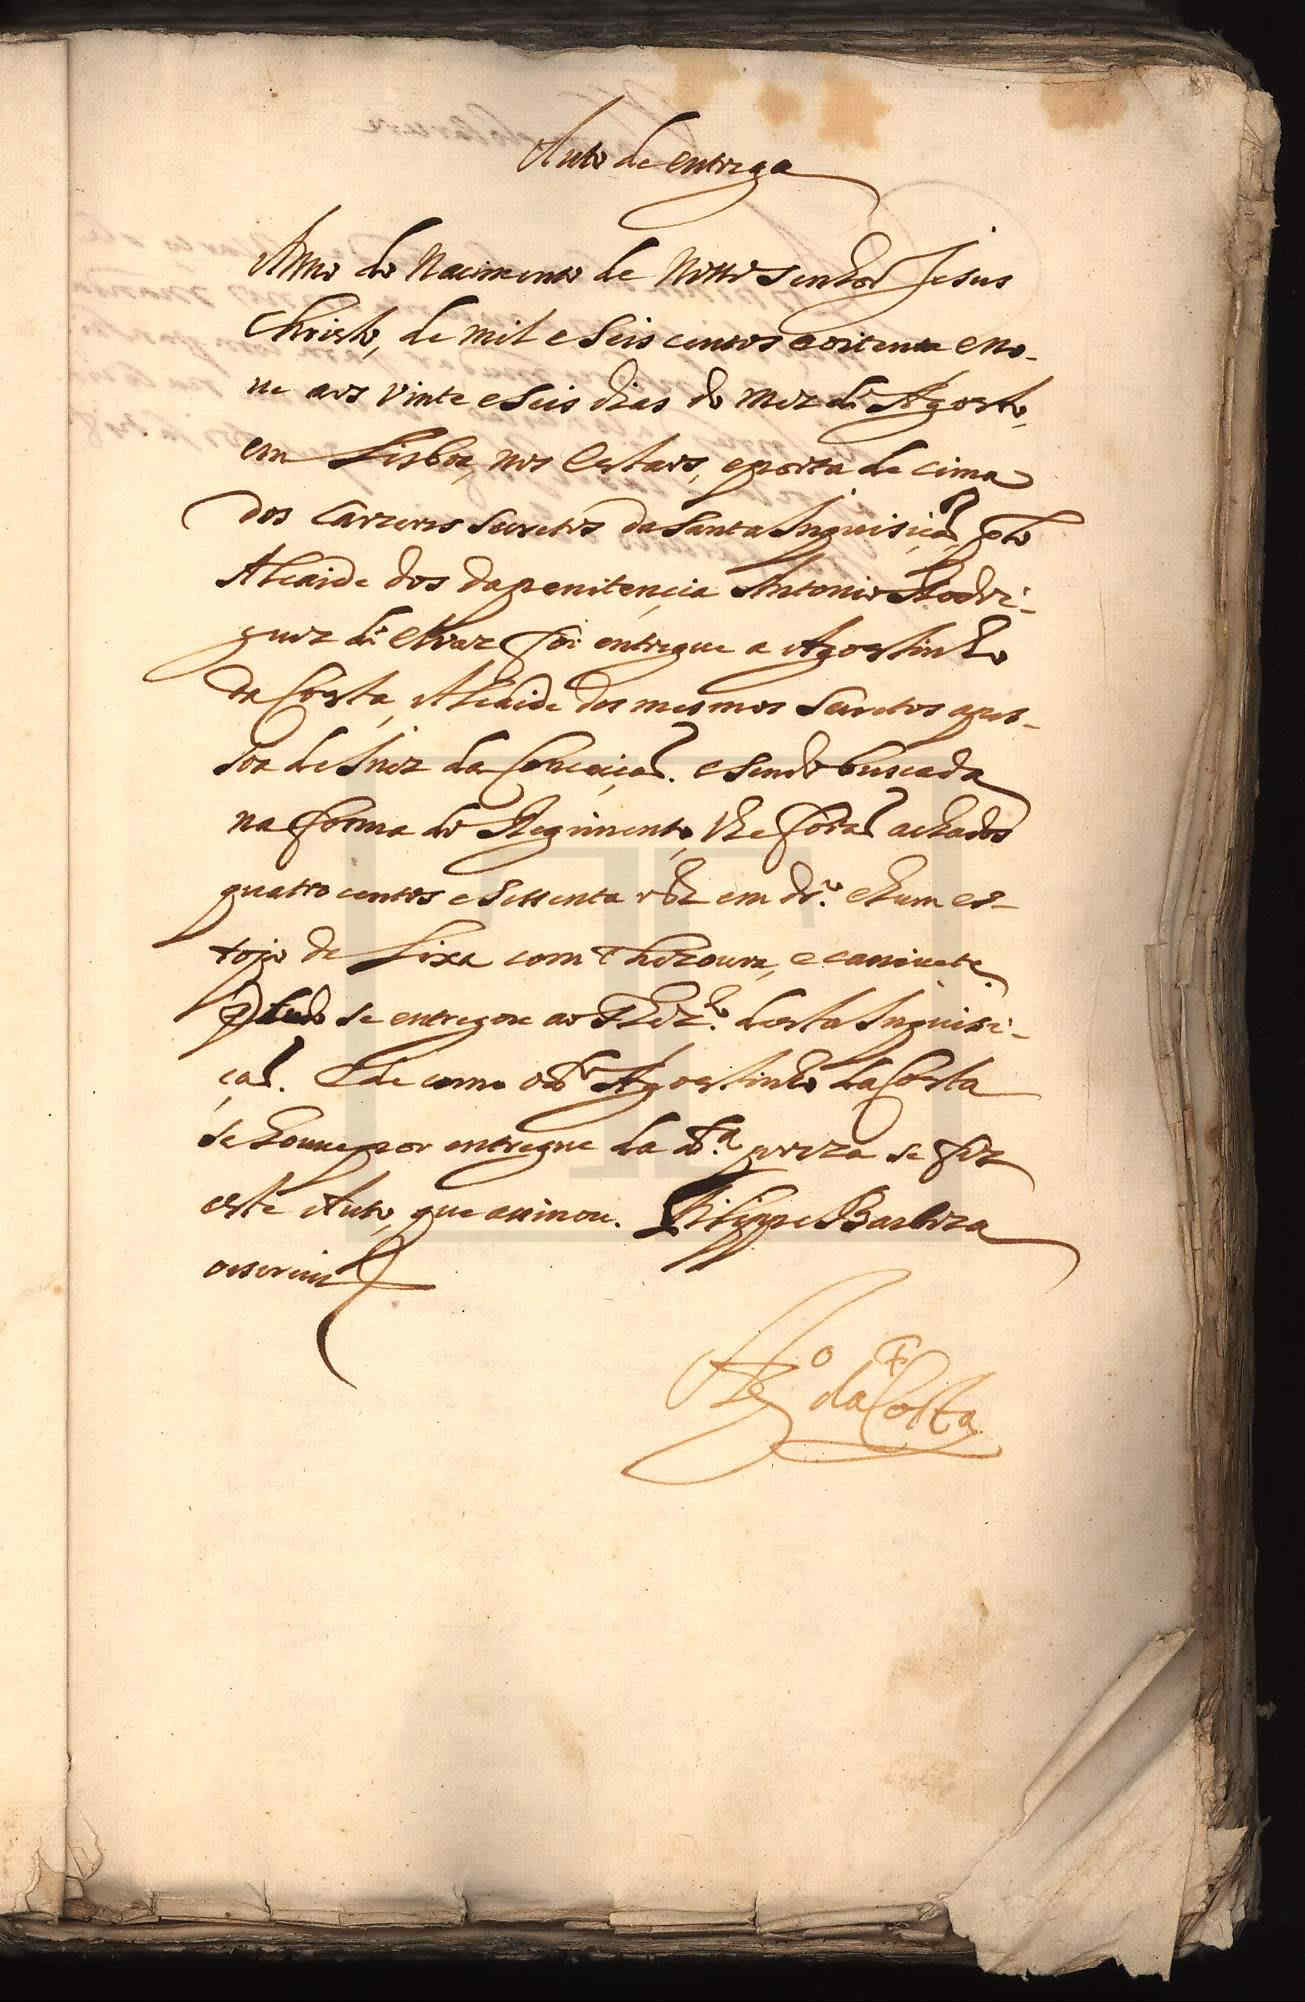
Auto de entrega
Anno do nacimento de nosso senhor Jesus
Christo, de mil e seiscentos e oitenta e no
ue aos vinte e seis dias do mez de Agosto,
em Lisboa, nos Estaos, e porta de cima
dos carceres secretos da Santa Inquisiçaõ, p̄lo
Alcaide dos da penitencia Antonio Rodri
guez de elvaz foi entregue a Agostinho
da Costa, Alcaide dos mesmos Secretos a pes
soa de Inez da Conceiçaõ. e sendo buscada
na forma do Regimento, lhe foraõ achados
quatrocentos e sessenta rs̄ em dr.o e hum es
tojo de Lixa com thezoura, e caniuete
q̄ tudo se entregou ao Thez.ro desta Inquisi
çaõ. E de como o d̄o Agostinho da Costa
se houue por entregue da d̄.a preza se fez
este Auto, que assinou. Filippe Barboza
o escreui
Ago da Costa
